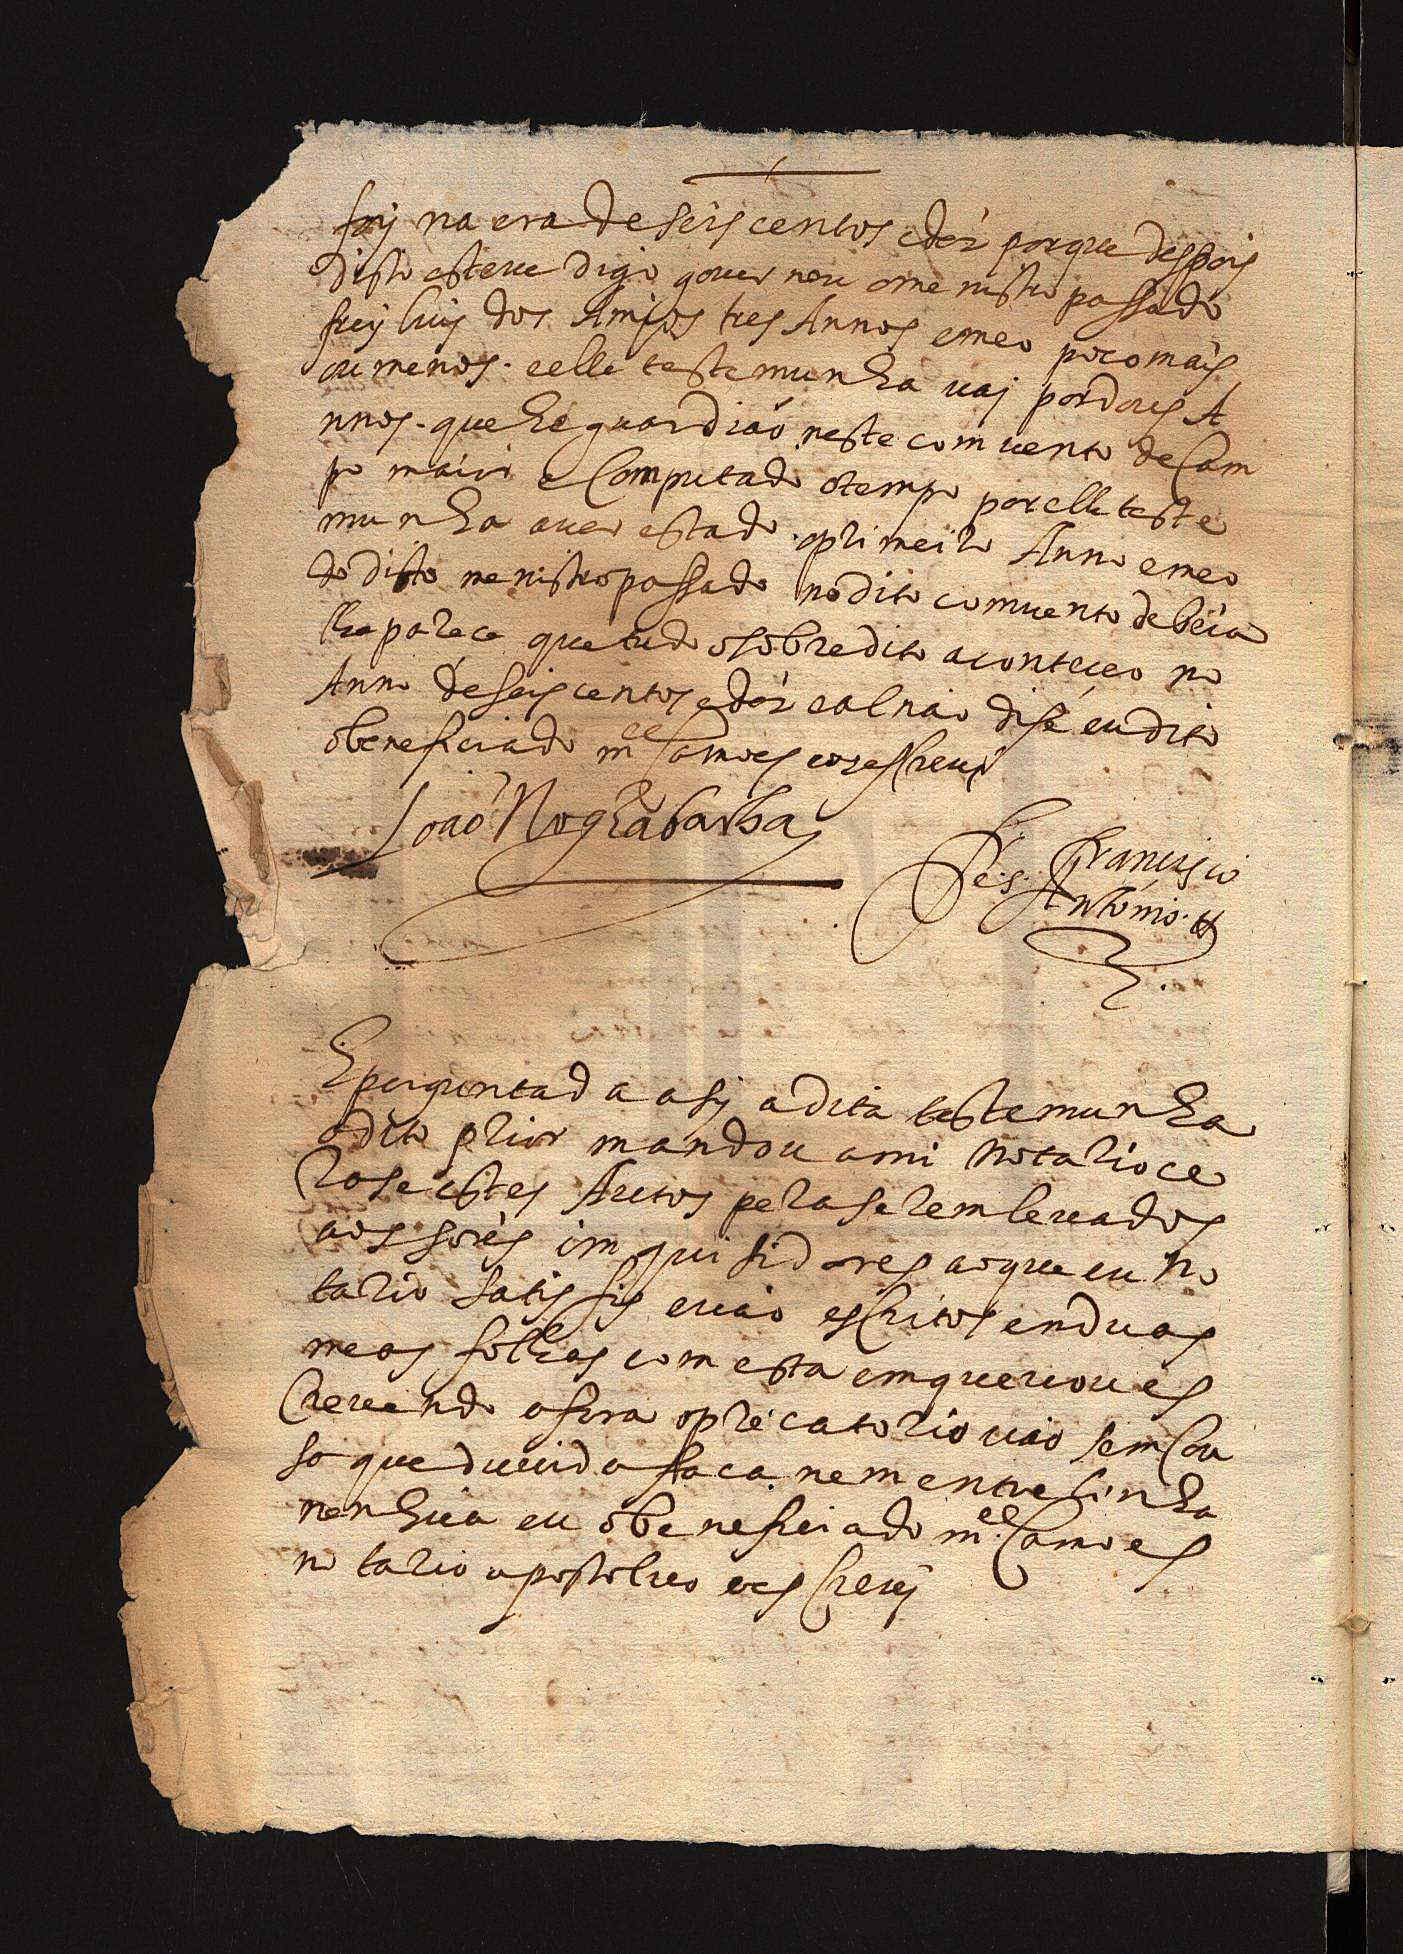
foy na era de seiscentos e dez porque despois
disto esteue digo gouernou o menistro passado
frey luis dos Amjos tres Annos e meo poco mais
ou menos. e elle testemunha uaj por dous A
nnos. que he guardiaõ neste comuento de Cam
po maior e Computado o tempo por elle teste
munha auer estado o primeiro Anno e meo
do di_to menistro passado no dito comuento de beia
lhe parece que tudo o sobredito aconteceo no
Anno de seiscentos e dez e al nao dise eu dito
o beneficiado mel Camoes e os esCreuj
Joaõ NogRa barba
fr francisco
De .s. Antonio.
E perguntada asy a dita testemunha
o dito pRior mandou a mi notario ce
ras e estes Autos pera serem leuados
aos sorēs imquisidores ao que eu no
tario satisfis e uaõ esCritos en duas
meas folhas com esta em que uou es
Creuendo a fora o precatorio uaõ sem Cou
sa que duuida faça nem entrelinha
nenhuā eu o beneficiado mel Camoes
notario apostolico o esCreuj
